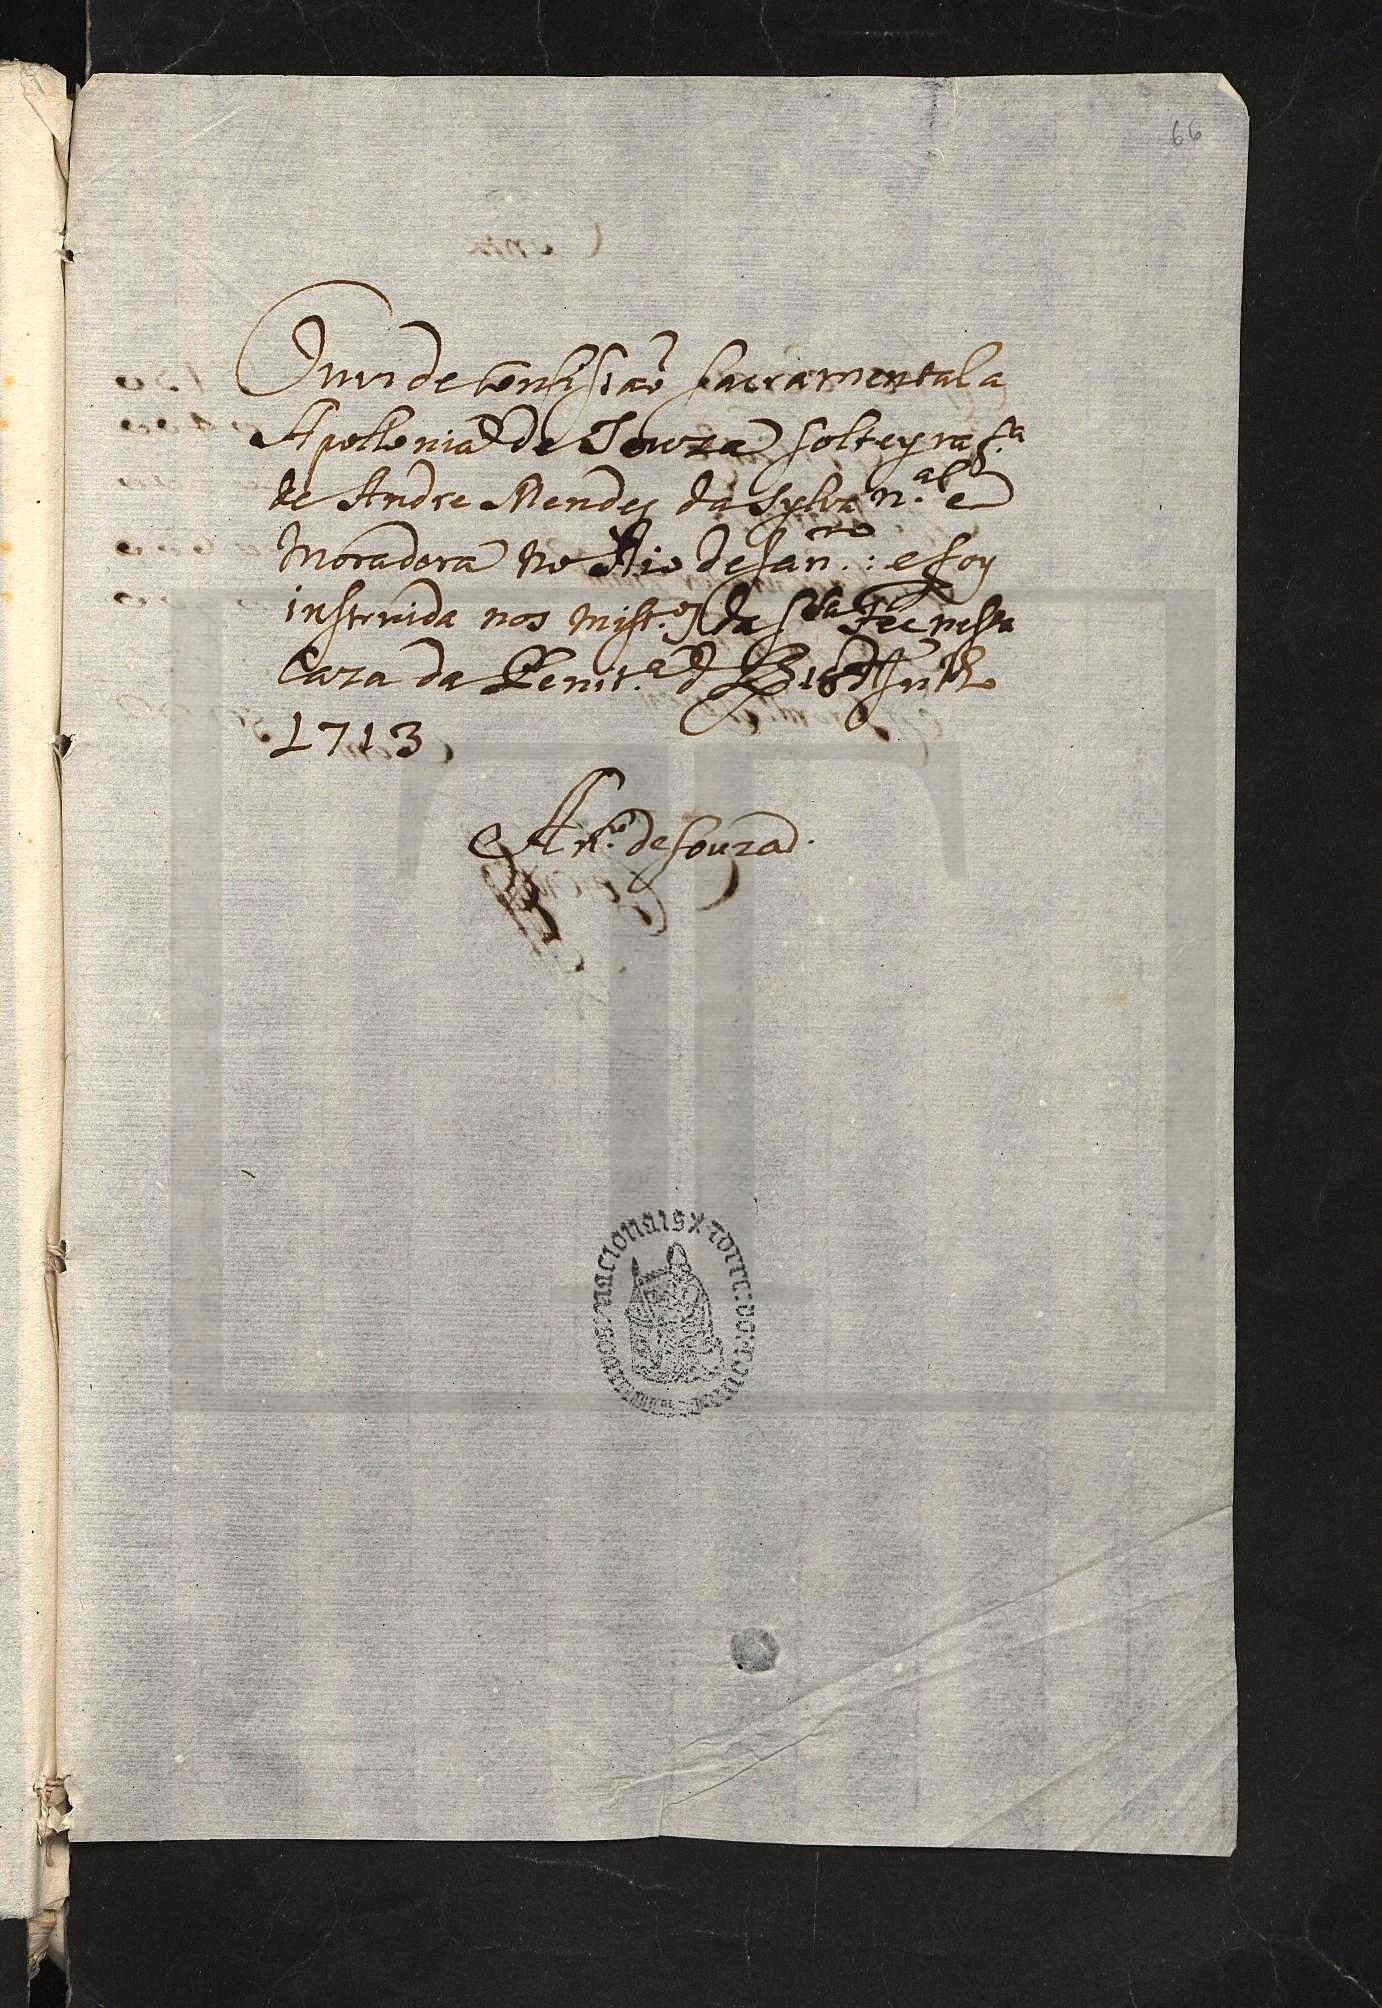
Ouvi de confissaõ sacramental a
Apollonia de Souza solteyra f.a
de Andre Mendes da Sylva n.al e
moradora no Rio de Jan.ro: e foy
instruida nos mist.os da sta Fee nesta
caza da Penit.a d̄ Lx 18 d̄ Julho
1713
An.to de souza.
